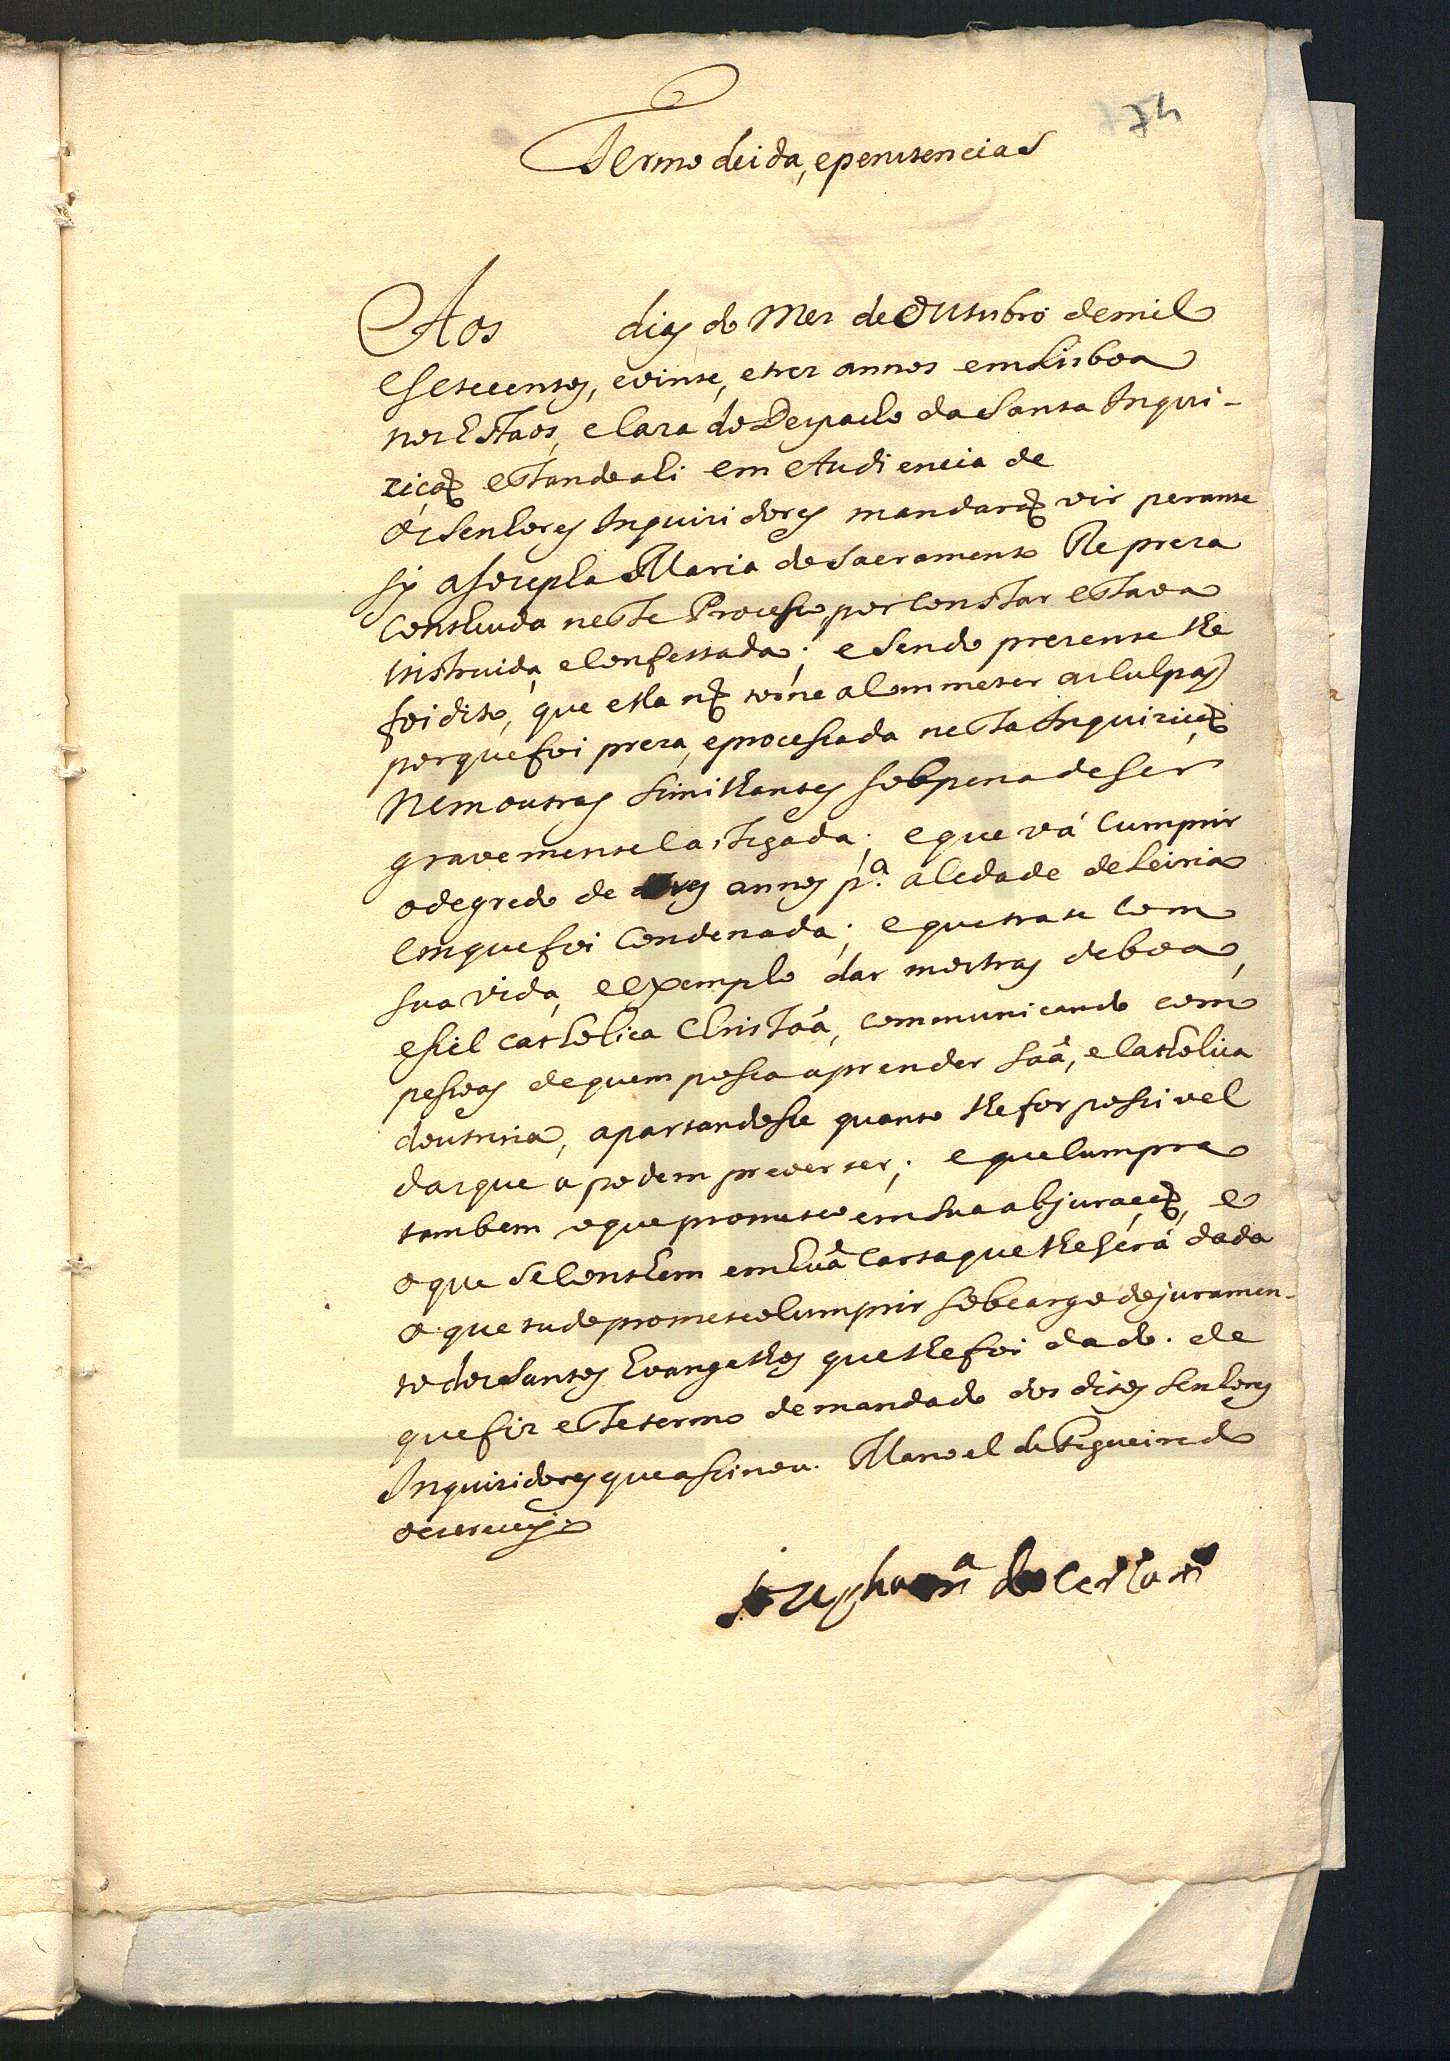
Termo de ida, e penitencias
Aos
dias do mes de Outubro de mil
e setecentos, e vinte, e trez annos em Lisboa
nos Estaos, e Caza do Despacho da Santa Inqui
ziçaõ estando ahi em Audiencia de
os Senhores Inquizidores mandaraõ vir perante
sy a Jozepha Maria do Sacramento Re preza
contheuda neste Processo, por constar estava
instruida, e confessada; e Sendo prezente lhe
foi dito, que ella naõ torne a Commeter as culpas
porque foi preza, e processada nesta Inquiziçaõ
nem outras similhantes sob pena de ser
gravemente castigada; e que vá cumprir
o degredo de tres annos p.a a Cidade de Leiria
em que foi condenada; e que trate com
sua vida, e exemplo dar mostras de boa,
e fiel catholica christaā, communicando com
pessoas de quem possa aprender saâ, e Catholica
doutrina, apartandosse quanto lhe for possivel
das que a podem preverter; e que cumpra
tambem o que prometeo em sua abjuraçaõ, e
o que se conthem em huā carta que lhe será dada
o que tudo prometeo cumprir sob cargo de juramen
to dos Santos Evangelhos que lhe foi dado de
que fiz este termo de mandado dos ditos Senhores
Inquisidores que assinou. Manoel de Fegueiredo
o escreuj.
Iozepha ma do cercamo
